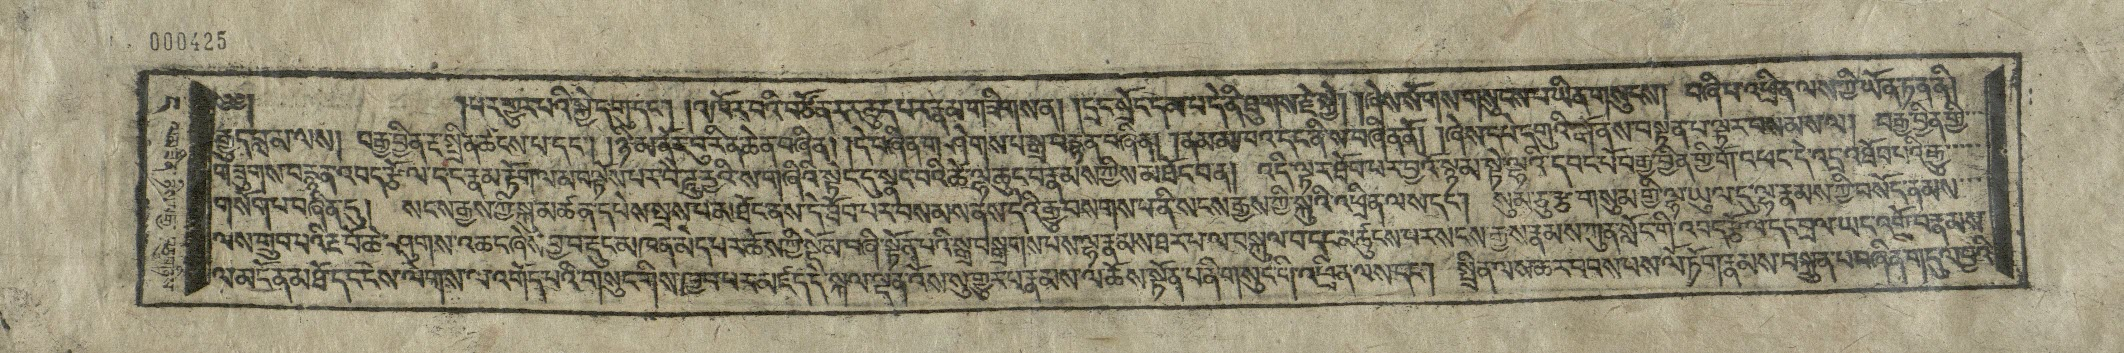༄༅། །པར་གྱུར་པའི་སྐྱེ་དགུ་དང་། །འཁོར་བའི་བཙོན་རར་ཆུད་པར་རྣམ་གཟིགས་ན། །དྲང་སྲོང་དམ་པ་དེ་ནི་ཐུགས་རྗེ་སྐྱེ། །ཞེས་སོགས་གསུངས་པ་ཡིན་གསུངས། བཞི་པ་འཕྲིན་ལས་ཀྱི་ཡོན་ཏན་ནི།
རྒྱུད་བླ་མ་ལས། བརྒྱ་བྱིན་རྔ་སྤྲིན་ཚངས་པ་དང་། །ཉི་མ་ནོར་བུ་རིན་ཆེན་བཞིན། །དེ་བཞིན་གཤེགས་པ་སྒྲ་བརྙན་བཞིན། །ནམ་མཁའ་དང་ནི་ས་བཞིན་ནོ། །ཞེས་དཔེ་དགུའི་སྒོ་ནས་བསྟན་པ་ལྟར་བསམས་ལ། བརྒྱ་བྱིན་གྱི་
གཟུགས་བརྙན་འབད་རྩོལ་དང་རྣམ་རྟོག་ལ་མ་བལྟོས་པར་བཻ་ཌཱུརྱའི་ས་གཞིའི་སྟེང་དུ་སྣང་བའི་ཚེ་ལྷ་ཆུང་བ་རྣམས་ཀྱིས་མཐོང་བ་ན། འདི་ལྟར་ཐོབ་པར་བྱའོ་སྙམ་སྟེ་ལྷའི་དབང་པོ་བརྒྱ་བྱིན་གྱི་གོ་འཕང་དེ་འདྲ་འཐོབ་པའི་རྒྱུ་
གསོག་པ་བཞིན་དུ། སངས་རྒྱས་ཀྱི་སྐུ་མཚན་དཔེས་སྤྲས་པ་མཐོང་ནས་དེ་ཐོབ་པར་བསམས་ནས་དེའི་རྒྱུ་བསགས་པ་ནི་སངས་རྒྱས་ཀྱི་སྐུའི་འཕྲིན་ལས་དང་། སུམ་ཅུ་རྩ་གསུམ་གྱི་ལྷ་ཡུལ་དུ་ལྷ་རྣམས་ཀྱི་བསོད་ནམས་
ལས་གྲུབ་པའི་རྔ་བོ་ཆེ་ཤུགས་འཆང་ཞེས་བྱ་བ་རྡུང་མཁན་མེད་པར་ཆོས་ཀྱི་སྡོམ་བཞི་སྟོན་པའི་སྒྲ་བསྒྲགས་པས་ལྷ་རྣམས་ཐར་པ་ལ་བསྐུལ་བ་དང་མཚུངས་པར་སངས་རྒྱས་རྣམས་ཀུན་སློང་གི་འབད་རྩོལ་དང་བྲལ་ཡང་འགྲོ་བ་རྣམས་
ལ་མངོན་མཐོ་དང་ངེས་ལེགས་ལ་འགོད་པའི་གསུང་གིས་ཁྱབ་པར་མཛད་དེ་སྐལ་ལྡན་འོས་སུ་གྱུར་པ་རྣམས་ལ་ཆོས་སྟོན་པ་ནི་གསུང་གི་འཕྲིན་ལས་དང་། སྤྲིན་ལས་ཆར་བབས་པས་ལོ་ཏོག་རྣམས་བསྐྲུན་པ་བཞིན་གདུལ་བྱའི་